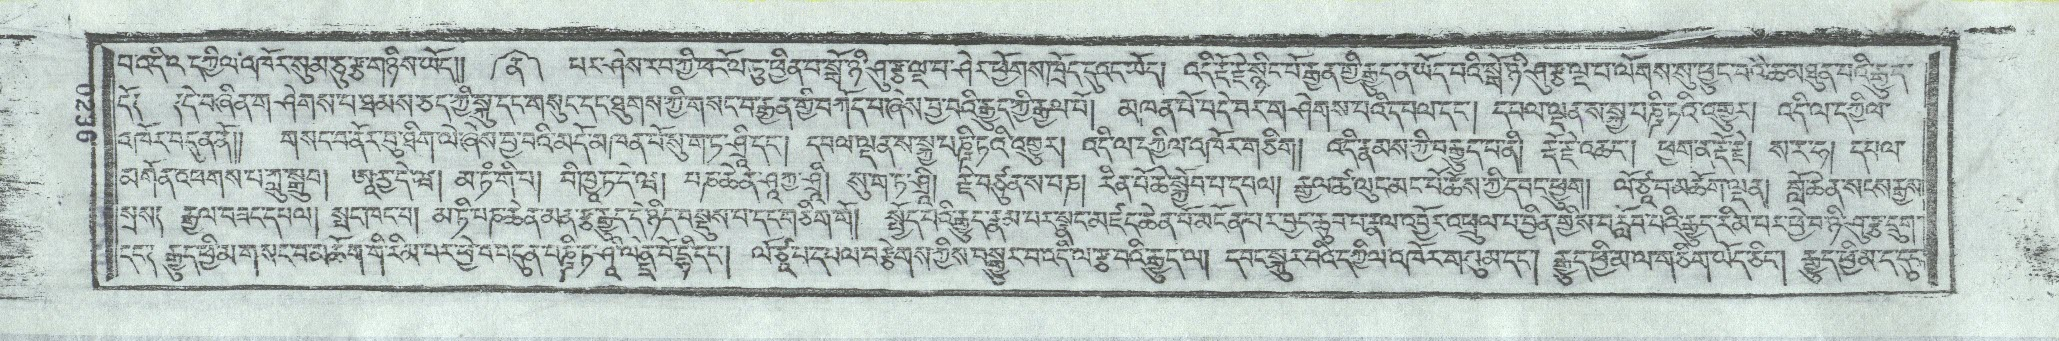པ་འདི་ལ་དཀྱིལ་འཁོར་སུམ་ཅུ་རྩ་གཉིས་ཡོད།། {ན}་པར་ཤེས་རབ་ཀྱི་ཕ་རོལ་ཏུ་ཕྱིན་པ་སྒོ་ཉི་ཤུ་རྩ་ལྔ་པ་ཤེར་ཕྱོགས་ཁྲོད་དུའང་ཡོད། འདི་རྡོ་རྗེ་སྙིང་པོ་རྒྱན་གྱི་རྒྱུད་ན་ཡོད་བའི་སྒོ་ཉི་ཤུ་རྩ་ལྔ་པ་ལོགས་སུ་ཕྱུང་བའི་ཆ་མཐུན་པའི་རྒྱུད་
དོ༑ ༑དེ་བཞིན་གཤེགས་པ་ཐམས་ཅད་ཀྱི་སྐུ་དང་གསུང་དང་ཐུགས་ཀྱི་གསང་བརྒྱན་གྱི་བཀོད་པ་ཞེས་བྱ་བའི་རྒྱུད་ཀྱི་རྒྱལ་པོ། མཁན་པོ་བདེ་བར་གཤེགས་པའི་དཔལ་དང་། དཔལ་ལྡན་སྐྱ་པཎྜི་ཏའི་འགྱུར། འདི་ལ་དཀྱིལ་
འཁོར་བདུན་ནོ།། གསང་བ་ནོར་བུ་ཐིག་ལེ་ཞེས་བྱ་བའི་མདོ་མཁན་པོ་སུ་ག་ཏ་ཤྲཱི་དང་། དཔལ་ལྡན་ས་སྐྱ་པཎྜི་འདི་ཏའི་འགྱུར། འདི་ལ་དཀྱིལ་འཁོར་གཅིག། འདི་རྣམས་ཀྱི་བརྒྱུད་པ་ནི། རྡོ་རྗེ་འཆང་། ཕྱག་ན་རྡོ་རྗེ། སར་ཧ། དཔལ་
མགོན་འཕགས་པ་ཀླུ་སྒྲུབ། ཨཱརྱ་དེ་ཝ། མ་ཏཾ་གི་བ། བི་ཁྱའ་ཏ་དེ་ཝ། པཎ་ཆེན་ཤཱཀྱ་ཤྲཱི། སུ་ག་ཏ་ཤྲཱི། རྗེ་བཙུན་ན་པཎ། རིན་པོ་ཆེ་སྐྱོབ་པ་དཔལ། རྒྱལ་ཚ་ལུང་མང་པོ་ཆོས་ཀྱི་དབང་ཕྱུག། ལོ་ཙཱ་བ་མཆོག་ལྡན། གློ་ཆེན་སངས་རྒྱས་
སྲས༑ རྒྱལ་བཟང་དཔལ། སྤང་ཁང་པ། མ་ཏི་པཎ་ཆེན་མན་རྩ་རྒྱུད་དེ་ཉིད་བསྡུས་པ་དང་གཅིག་གོ། །སྤྱོད་པའི་རྒྱུད་རྣམས་པར་སྣང་མཛད་ཆེན་པོ་མངོན་པར་བྱང་ཆུབ་པ་རྣལ་འབྱོར་འཕྲུལ་པ་བྱིན་གྱིས་བརློབ་པའི་རྒྱུད་རིམ་པར་ཕྱེ་བ་ཉི་ཤུ་རྩ་དྲུག་
དང༑ རྒྱུད་ཕྱི་མ་གསང་བ་མཆོག་གི་རིམ་པར་བྱེ་པ་བདུན་པཎྜི་ཏ་ཤཱ་ལེནྡྲ་པོ་དྷི་དང་། ལོ་རྩཱ་པ་དཔལ་བརྩེགས་ཀྱིས་བསྒྱུར་བ་འདི་ལ་རྩ་བའི་རྒྱུད་ལ། དབང་སྐུར་བའི་དཀྱིལ་འཁོར་གསུམ་དང་། རྒྱུད་ཕྱི་མ་ལ་གཅིག་ཡོད་ཅིང་། རྒྱུད་ཕྱི་མ་ད་དུང་